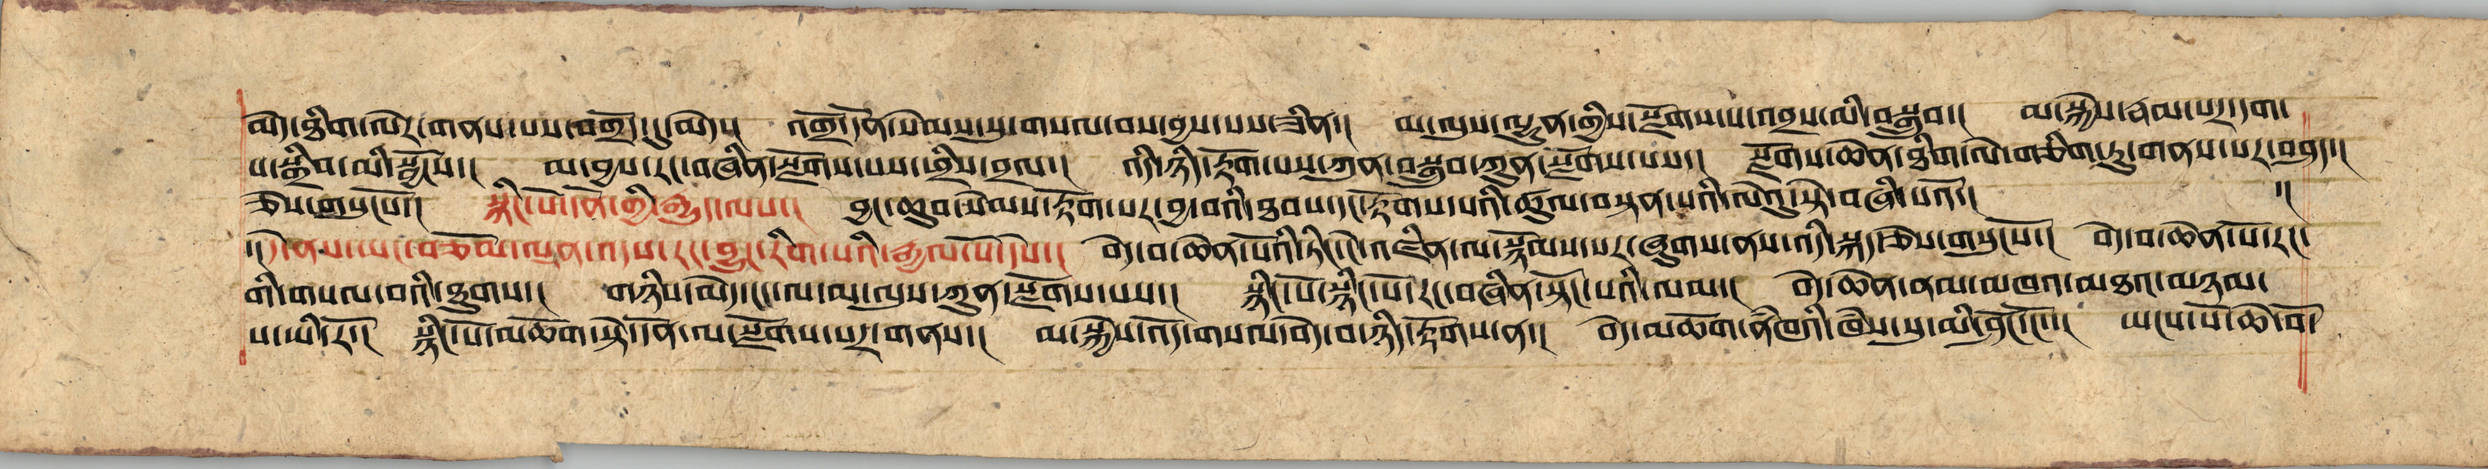མེད་ཐིག་ལེར་གནས་པས་བགྲོད་དུ་མེད་། འགྲོ་དོན་སེམས་སུ་གསལ་བས་བྱས་པས་ཟིན་། མ་ལུས་ལྷུན་གྱིས་རྫོགས་པ་འབྲས་མི་བསྒྲུབ་། མ་སྐྱེས་རྣམ་པར་དག་
ས་སྒྲིབ་མི་སྦྱོངས་། མ་བྱས་རང་བཞིན་སྫོགས་པས་ཕྲིས་བྲལ་། འདི་ཉིད་རྟོག་པས་ཀུན་བསྒྲུབ་ཀུན་སྫོགས་པས་། སྫོགས་ཆེན་ཐིག་ལེ་གཅིག་ཏུ་གནས་པར་བཤད་།
ཅེས་གསུངསོ་། སྙིང་པོ་དོན་གྱི་རྒྱུད་ལས་། བྱང་ཆུབ་སེམས་རྟོག་པར་བྱ་བའི་ཐབས་དང་རྟོགས་པའི་ཚུལ་བསྟན་པའི་ལེའུ་སྟེ་བཞི་པའོ་།
་།དེ་ནས་ཡང་བཅོམ་ལྡན་འདས་རང་བྱུང་རིག་པའི་རྒྱལ་པོ་དེས་། བདེ་བ་ཆེན་པོའི་ཏིང་ངེ་འཛིན་ལ་སྙོམས་པར་ཞུགས་ནས་འདི་སྐད་ཅེས་གསུངསོ་། བདེ་བ་ཆེན་པོ་རང་
གི་གསལ་བའི་ཐུགས་། གཉིས་མེད་ངང་ལ་མ་ལུས་ཀུན་སྫོགས་པས་། སྙིང་པོ་སྙིང་པོ་རང་བཞིན་སྟོང་པའི་ལམ་། བདེ་ཆེན་ནམ་མཁའ་མཐའ་མཉམ་
ས་ཡི་རོ་། སྙིང་པོ་མཆོག་སྟེ་དོན་ལ་སྫོགས་པར་གནས་། མ་སྐྱེས་འོད་གསལ་བདེ་བ་ཉིད་རྟོགས་ན་། བདེ་མཆོག་ནཾཁའི་ཁཾས་སུ་མི་ཤོང་ངོ་། ཡངས་སོ་ཆེ་བོ་